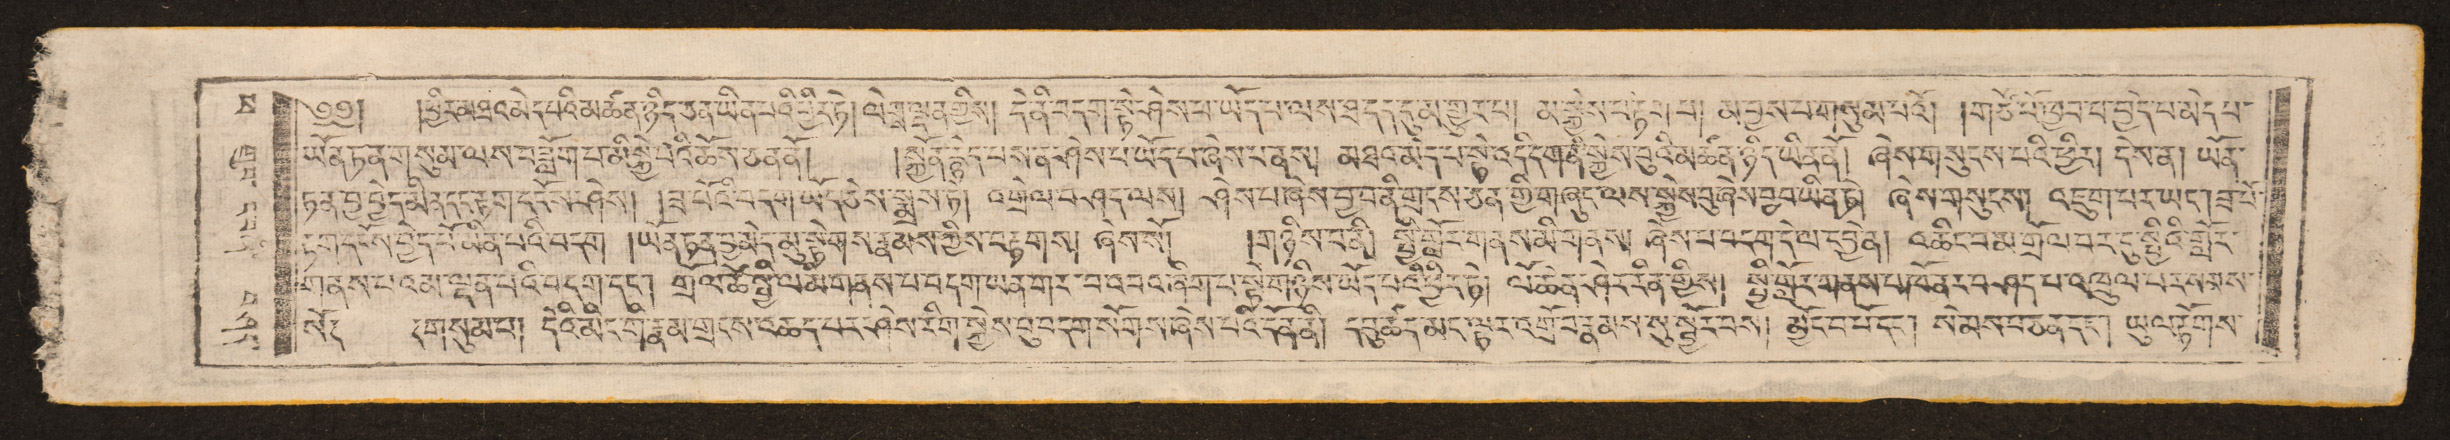༄༅། །ཕྱིར་མཐའ་མད་པའི་མཚན་ཉིད་ཅན་ཡིན་པའི་ཕྱིར་ཏེ། ལེགས་ལྡན་གྱིས། དེ་ནི་བདག་སྟེ་ཤེས་པ་ཡོད་པ་ལས་ཐ་དད་དུ་མ་གྱུར་པ། མ་སྐྱེས་པ་རྟག་པ། མ་བྱས་པ་གསུམ་པའོ། །གཙོ་བོ་ཁྱབ་པ་བྱེད་པ་མེད་པ་
ཡོན་ཏན་གསུམ་ལས་བཟློག་པ་མི་སྐྱེ་བའི་ཆོས་ཅན་ནོ། །སྐྱོན་རྙེད་པས་ན་ཤེས་པ་ཡོད་པ་ཞེས་པ་ནས། མཐའ་མེད་པ་སྟེ་འདི་དག་ནི་སྐྱེས་བུའི་མཚན་ཉིད་ཡིན་ནོ། ཞེས་གསུངས་པའི་ཕྱིར། དེས་ན། ཡོན་
ཏན་བྱ་བྱེད་མིན་དང་རྟག་དངོས་ཤེས། །ཟ་པོའི་བདག་ཡོད་ཅེས་སྨྲས་ཏ། འགྲེལ་བཤད་ལས། ཤེས་པ་ཞེས་བྱ་བ་ནི་གྲངས་ཅན་གྱི་གཞུང་ལས་སྐྱེས་བུ་ཞེས་བྱ་བ་ཡིན་ཏེ། ཞེས་གསུངས། འཇུག་པར་ཡང་། ཟ་པོ་
རྟག་དངོས་བྱེད་པོ་མིན་པའི་བདག །ཡོན་ཏན་བྱ་མེད་མུ་སྟེགས་རྣམས་ཀྱིས་བརྟགས། ཞེས་སོ། །གཉིས་པ་ནི། སྤྱི་གློར་གནས་མི་གནས། ཞེས་པ་བདག་དེ་ལ་དབྱེ་ན། འཆིང་བ་མ་གྲོལ་བར་དུ་སྤྱིའི་གློར་
གནས་པའམ་ལྡན་པའི་བདག་དང་། གྲོལ་ཚེ་སྤྱི་ལ་མི་གནས་པ་བདག་ཡན་གར་བ་འབའ་ཞིག་པ་སྟེ་གཉིས་ཡོད་པའི་ཕྱིར་ཏེ། ལོ་ཆེན་ཤེར་རིན་གྱིས། སྤྱི་གློར་གནས་པ་ཁོ་ནར་བཤད་པ་འཁྲུལ་པར་སེམས་
སོ༑ ༑གསུམ་པ། དེའི་མིང་གི་རྣམ་གྲངས་འཆད་པར་ཤེས་རིག་སྐྱེས་བུ་བདག་སོགས་ཞེས་པའི་དོན་ནི། དབུ་ཚད་མང་ལྟར་འགྲོ་བ་རྣམས་སུ་སྦྱོར་བས། མྱོང་བ་པོ་དང་། སེམས་པ་ཅན་དང་། ཡུལ་རྟོགས་